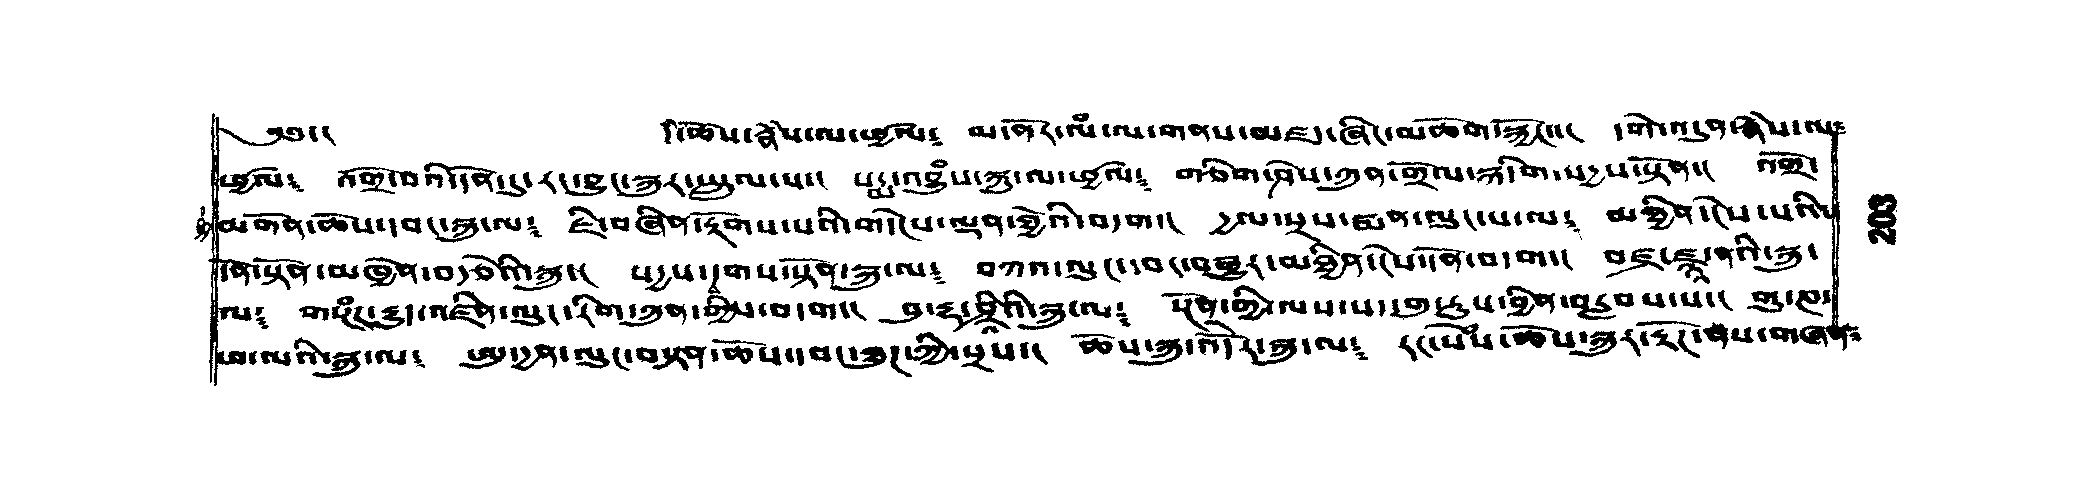དམ་ཅན་རྣམས་ལ་ཕྱག་འཚལ་༴ མ་ནོར་ལཾ་ལ་གནས་མཛད་ཞིང་མཆོག་སྐྱོང་། །དགེ་འདུན་རྣམས་ལ་
ཕྱག་འཚལ་༴ འགྲོ་བའི་དོན་དུ་རང་བྱུང་སྐུ་སྤྲུལ་བ། །པདྨ་འབྱུང་གནས་སྐུ་ལ་ཕྱག་འཚལ་༴ གཅིག་ཤེས་ཀུན་གྲོལ་སྐད་ཅིག་སངས་རྒྱས་སྟོན། །འགྲོ་
མགོན་ཆོས་དབང་སྐུ་ལ་༴ ཇི་བཞིན་རྟོགས་པའི་གདེངས་ལྡན་ཐུགས་རྗེའི་བདག་།རྒྱལ་སྲས་སྨན་ལུང་པ་ལ་༴ མཐར་ཕྱིན་ངེས་པའི་
དོན་སྟོན་མཁྱེན་བརྩེའི་སྐུ། །སངས་རྒྱས་དྭགས་སྟོན་སྐུ་ལ་༴ བཀའ་ལུང་དབང་བསྒྱུར་མཐར་ཕྱིན་ངེས་དོན་བདག་བཛྲ་ཛྙ་ནའི་སྐུ་
ལ་༴ གསང་སྔགས་རྒྱུད་འཛིན་ལུང་རིག་ཀུན་གྱི་བདག་བུ་དྡྷ་ཤྲཱིའི་སྐུ་ལ་༴ སྔོན་གྱི་ལས་པ་གུ་རུས་བྱིན་བརླབས་པ། །གུ་ཎ་
ཕ་ལའི་སྐུ་ལ་༴ ཨུ་རྒྱན་ལུང་བསྟན་ཆོས་དབང་ཐུགས་ཀྱི་སྲས། །ཆོས་སྐུ་འོད་ཟེར་སྐུ་ལ་༴ རང་སེམས་ཆོས་སྐུར་རྟོགས་ནས་གཞན་